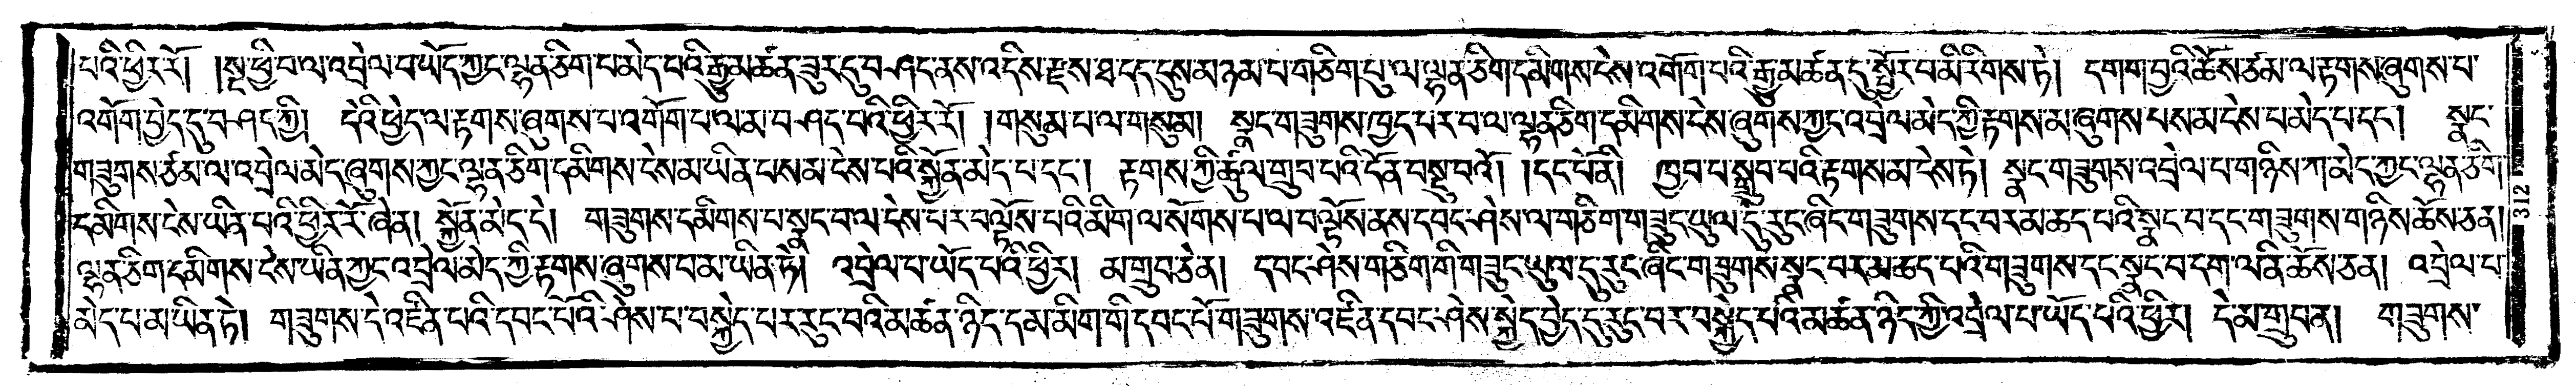པའི་ཕྱིར་རོ། །སྔ་ཕྱི་བ་ལ་འབྲེལ་པ་ཡོད་ཀྱང་ལྷན་ཅིག་པ་མེད་པའི་རྒྱུ་མཚན་ཟུར་དུ་བཤད་ནས་འདིས་རྫས་ཐ་དད་དུས་མཉམ་པ་གཅིག་པུ་ལ་ལྷན་ཅིག་དམིགས་ངེས་འགོག་པའི་རྒྱུ་མཚན་དུ་སྦྱོར་བ་མི་རིགས་ཏེ། དགག་བྱའི་ཆོས་ཙམ་ལ་རྟགས་ཞུགས་པ་
འགོག་བྱེད་དུ་བཤད་ཀྱི། དེའི་ཕྱེད་ལ་རྟགས་ཞུགས་པ་འགོག་པ་ལ་མ་བཤད་པའི་ཕྱིར་རོ། །གསུམ་པ་ལ་གསུམ། སྣང་གཟུགས་ཁྱད་པར་བ་ལ་ལྷན་ཅིག་དམིགས་ངེས་ཞུགས་ཀྱང་འབྲེལ་མེད་ཀྱི་རྟགས་མ་ཞུགས་པས་མ་ངེས་པ་མེད་པ་དང་། སྣང་
གཟུགས་ཙམ་ལ་འབྲེལ་མེད་ཞུགས་ཀྱང་ལྷན་ཅིག་དམིགས་ངེས་མ་ཡིན་པས་མ་ངེས་པའི་སྐྱོན་མེད་པ་དང་། རྟགས་ཀྱི་ཚུལ་གྲུབ་པའི་དོན་བསྡུ་བའོ། །དང་པོ་ནི། ཁྱབ་པ་སྒྲུབ་པའི་རྟགས་མ་ངེས་ཏེ། སྣང་གཟུགས་འབྲེལ་པ་གཉིས་ཀ་མེད་ཀྱང་ལྷན་ཅིག་
དམིགས་ངེས་ཡིན་པའི་ཕྱིར་རོ་ཞེ་ན། སྐྱོན་མེད་དེ། གཟུགས་དམིགས་པ་སྣང་བ་ལ་ངེས་པར་བལྟོས་པའི་མིག་ལ་སོགས་པ་ལ་བལྟོས་ནས་དབང་ཤེས་ལ་གཅིག་གཟུང་ཡུལ་དུ་རུང་ཞིང་གཟུགས་དང་བར་མ་ཆད་པའི་སྣང་བ་དང་གཟུགས་གཉིས་ཆོས་ཅན།
ལྷན་ཅིག་དམིགས་ངེས་ཡིན་ཀྱང་འབྲེལ་མེད་ཀྱི་རྟགས་ཞུགས་པ་མ་ཡིན་ཏེ། འབྲེལ་པ་ཡོད་པའི་ཕྱིར། མ་གྲུབ་ཅེ་ན། དབང་ཤེས་གཅིག་གི་གཟུང་ཡུལ་དུ་རུང་ཞིང་གཟུགས་སྣང་བར་མ་ཆད་པའི་གཟུགས་དང་སྣང་བ་དག་ལ་ནི་ཆོས་ཅན། འབྲེལ་པ་
མེད་པ་མ་ཡིན་ཏེ། གཟུགས་དེ་འཛིན་པའི་དབང་པོའི་ཤེས་པ་བསྐྱེད་པར་རུང་བའི་མཚན་ཉིད་དམ་མིག་གི་དབང་པོ་གཟུགས་འཛིན་དབང་ཤེས་སྐྱེད་བྱེད་དུ་རུང་བར་བསྐྱེད་པའི་མཚན་ཉིད་ཀྱི་འབྲེལ་པ་ཡོད་པའི་ཕྱིར། དེ་མ་གྲུབ་ན། གཟུགས་